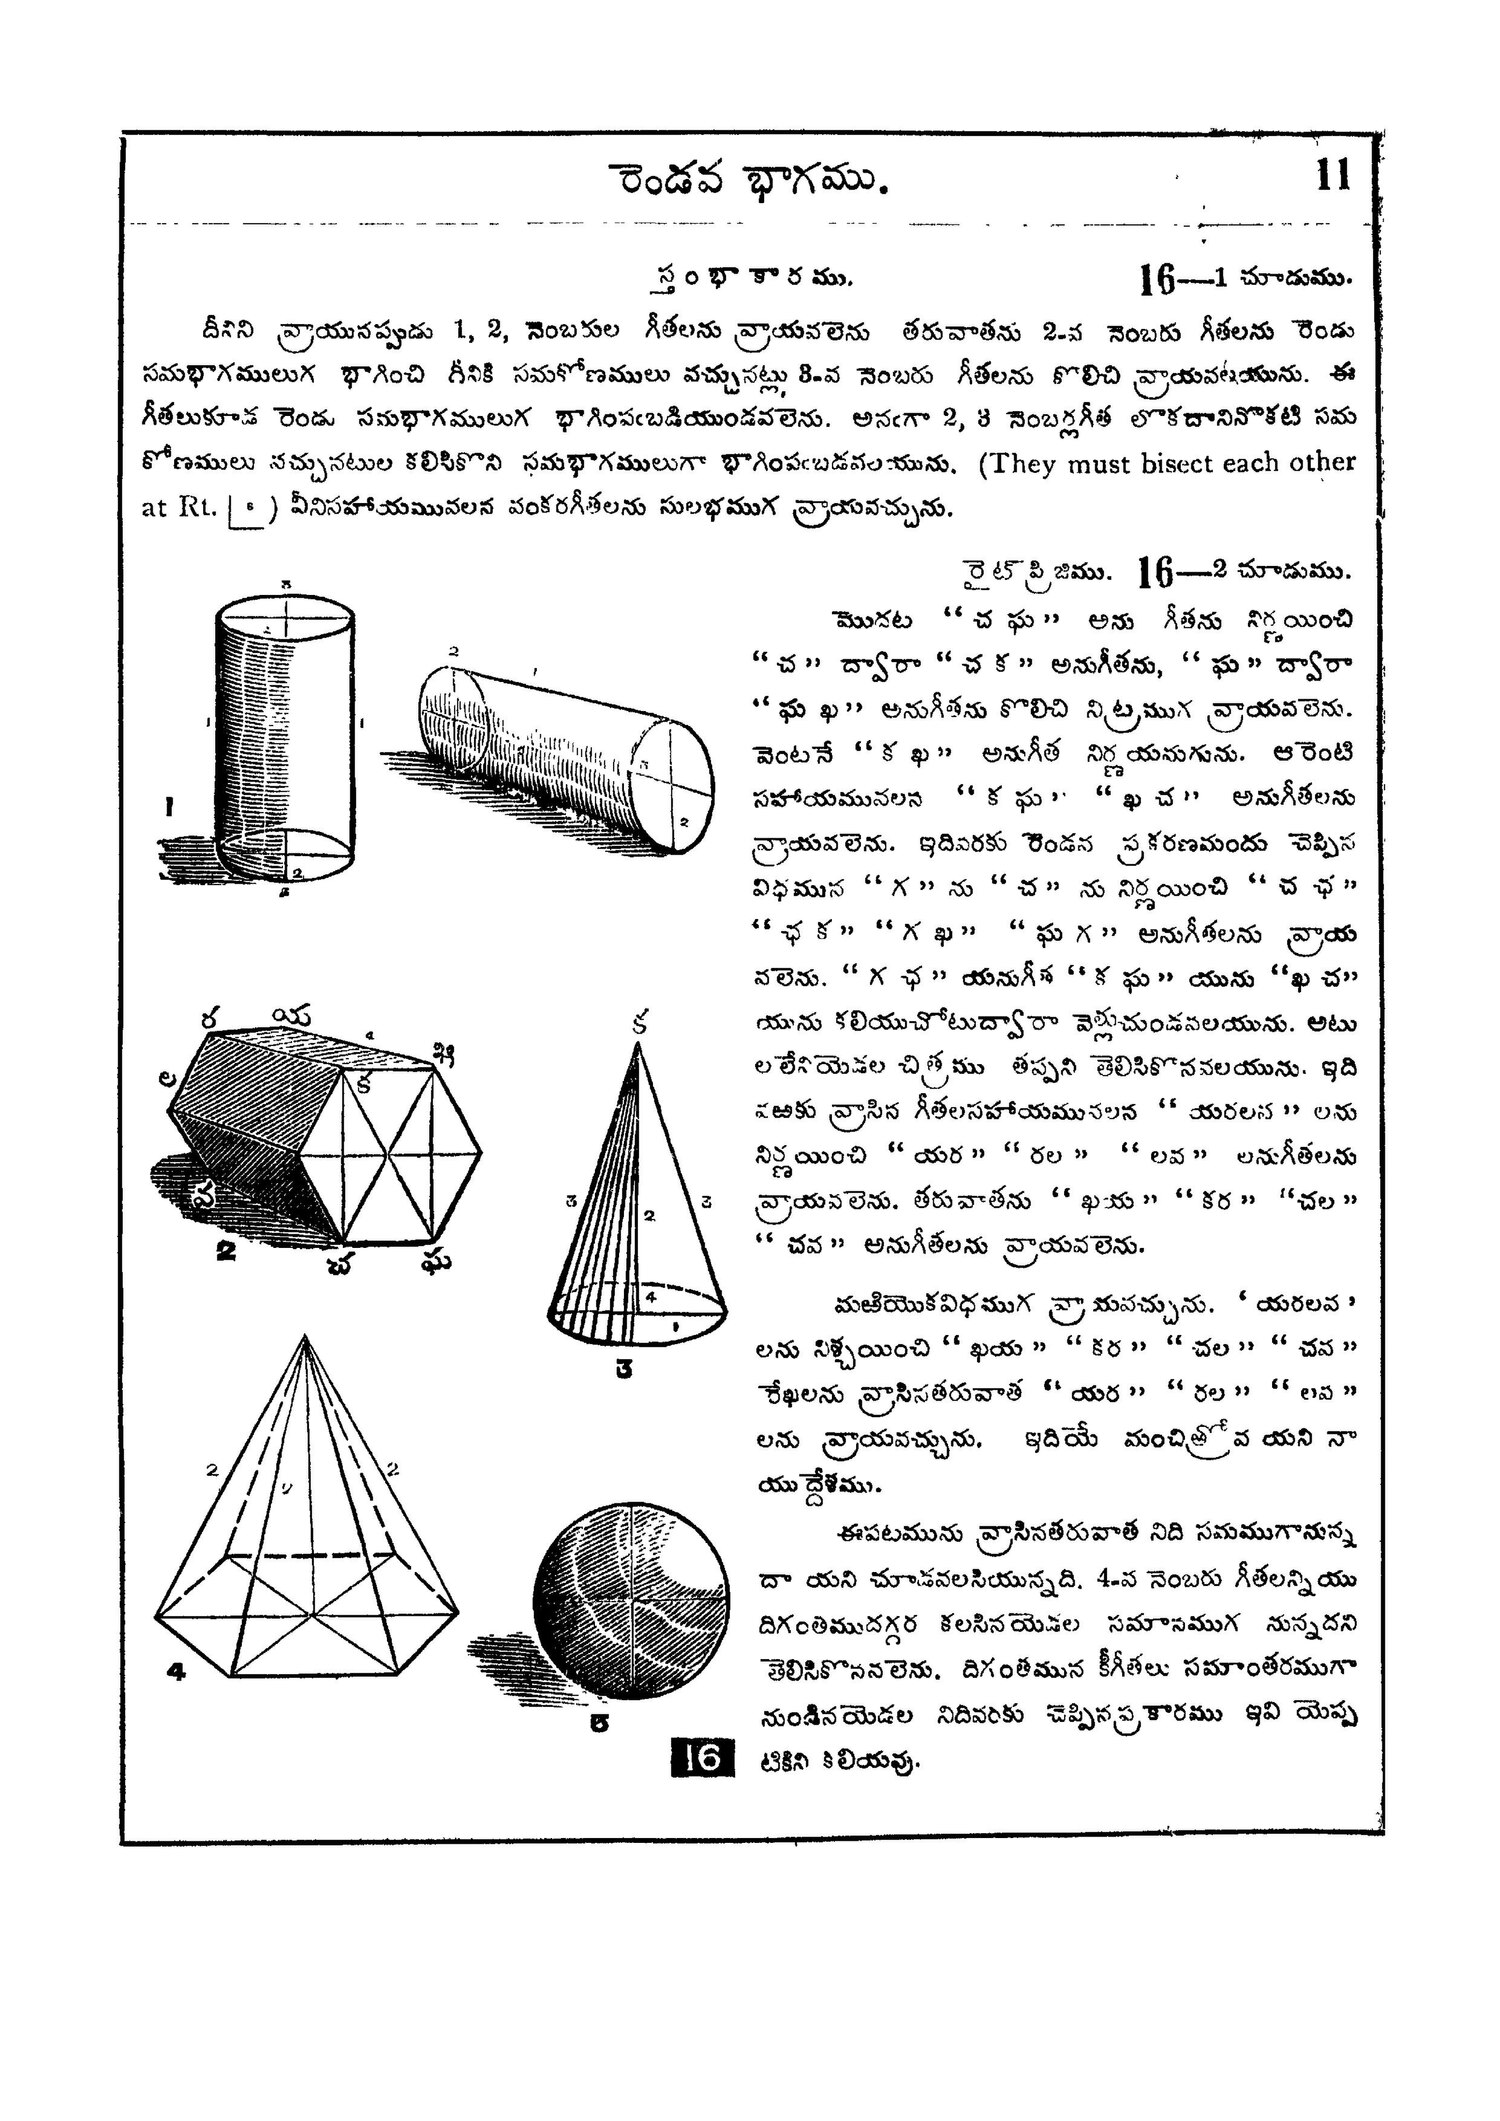16-1 చూడుము

దీనిని వ్రాయునప్పుడు 1,2 నెంబరుల గీతలను వ్రాయవలెను. తరువాతను 2 వనెంబరు గీతలను రెండు సమభాగములుగ భాగించి దీనికి సమకోణములు వచ్చునట్లు 3 వ నెంబరు గీతలను కొలిచి వ్రాయవలయును. ఈ గీతలుకూడ రెండు సమభాగములుగ భాగింపబడియుండవలెను. అనగా 2,3 నెంబర్లగీత లొకదానినొకటి సమకోణములు వచ్చునటుల కలిసికొని సమభాగములుగా భాగింపబడవలయును. (They must bisect each other at Rt. |_) వీని సహాయమువలన వంకరగీతలను సులభముగ వ్రాయవచ్చును. 

రైట్ ప్రిజిము. 16-2చూడుము.